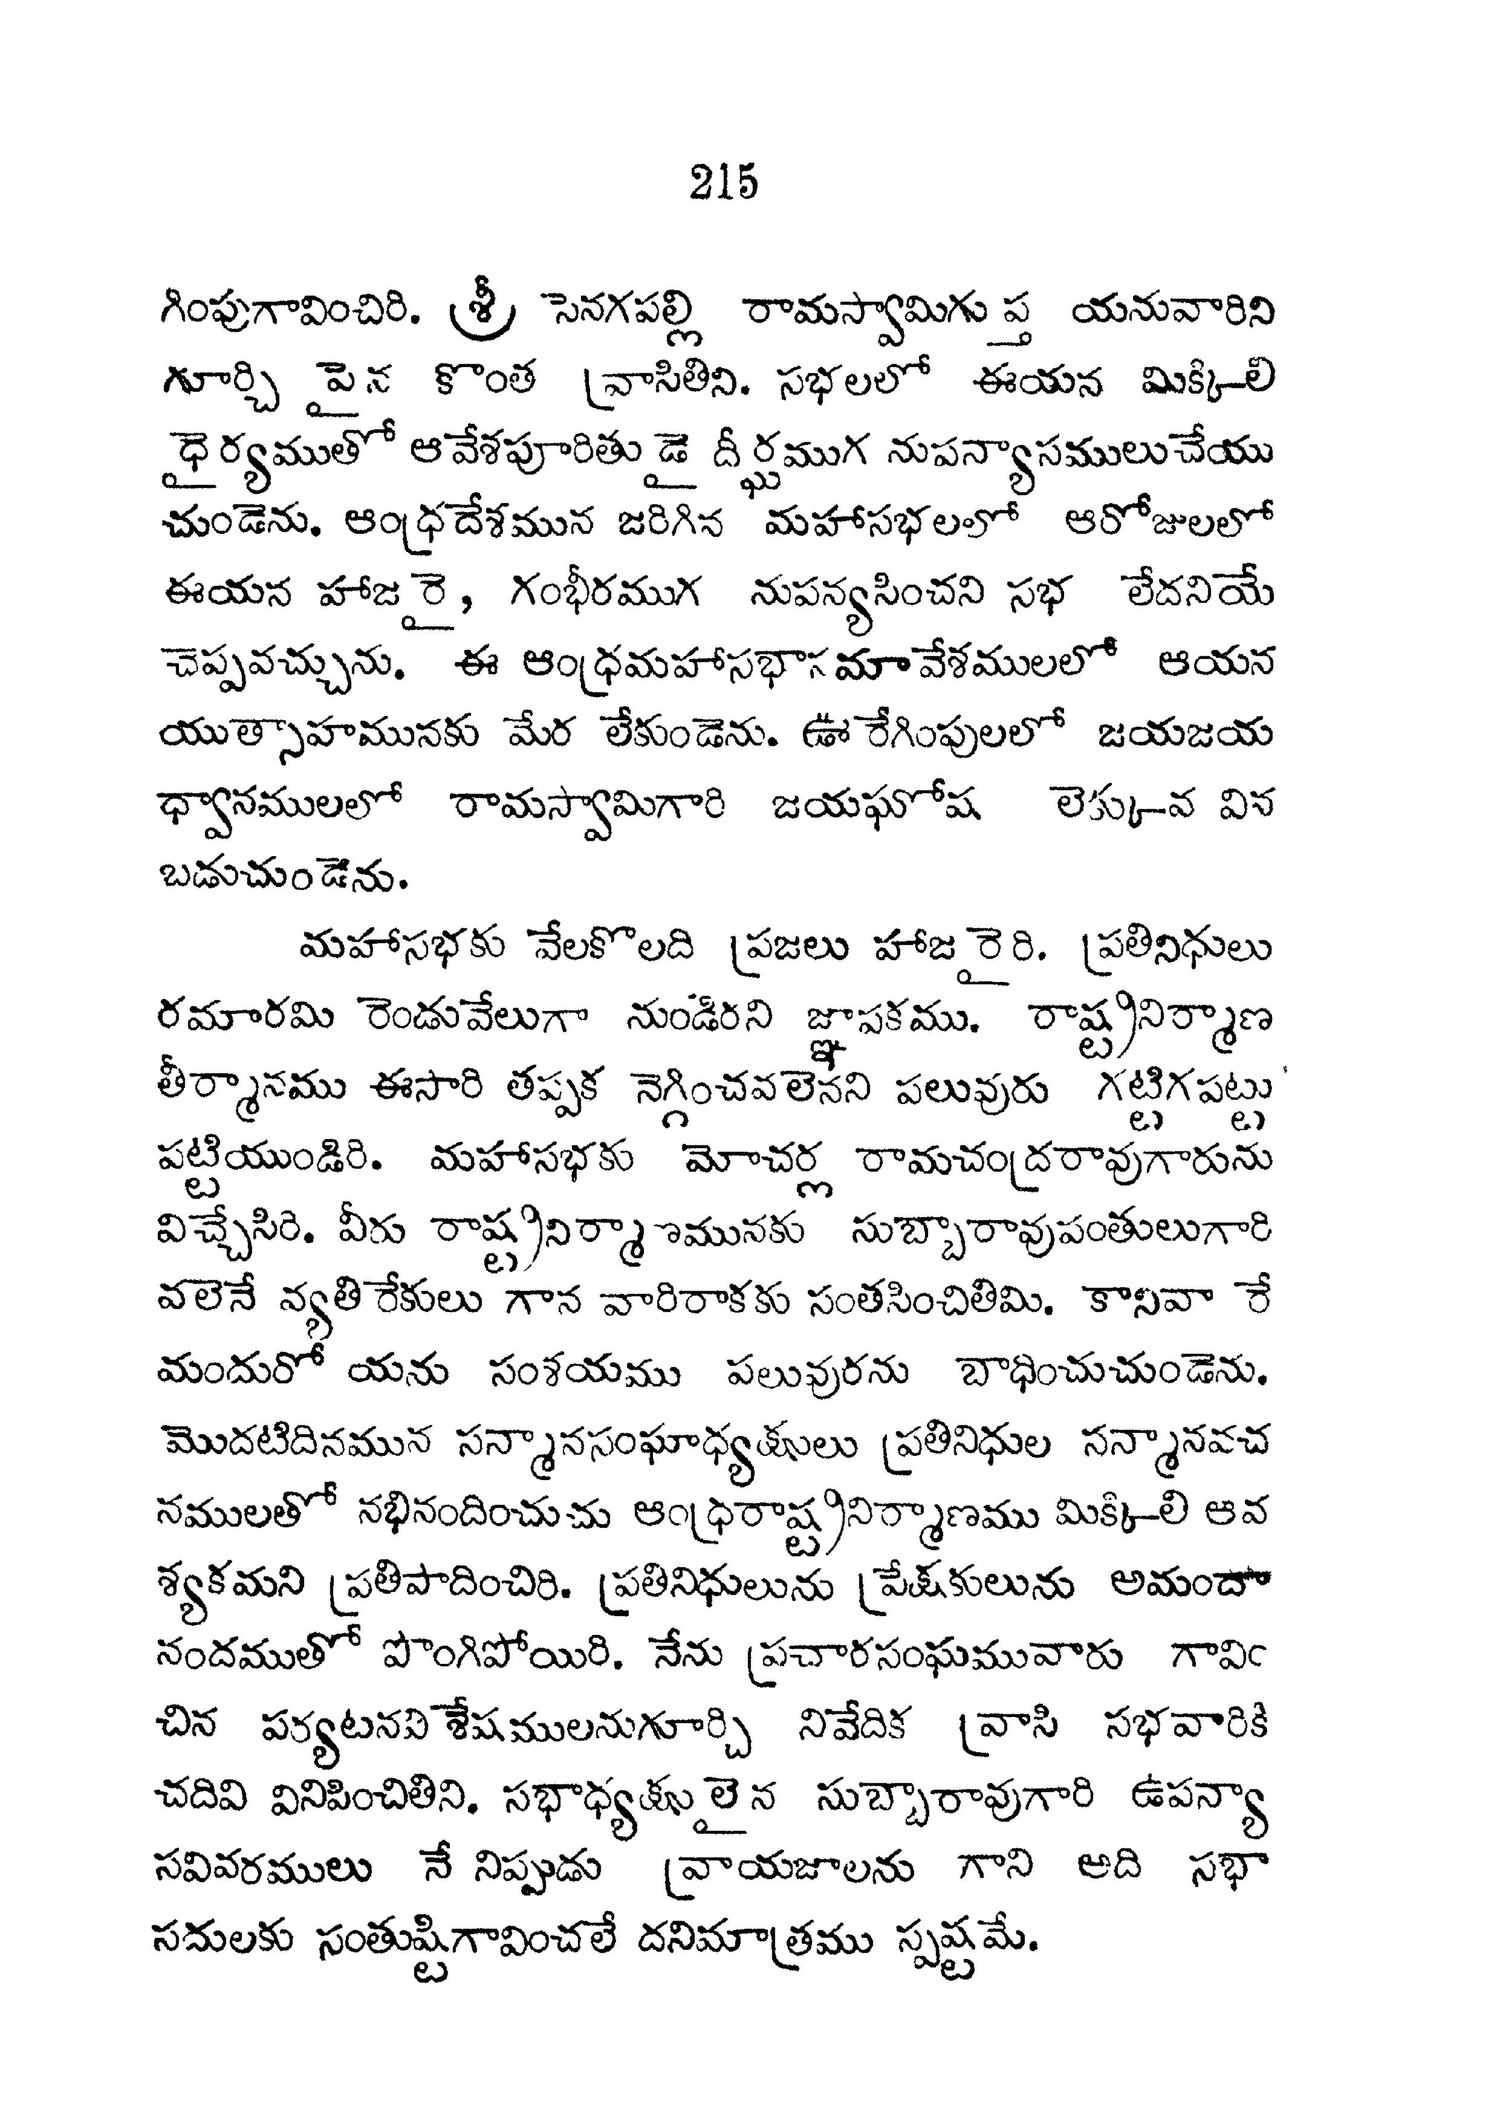గింపుగావించిరి. శ్రీ సెనగపల్లి రామస్వామిగుప్త యనువారిని గూర్చి పైన కొంత వ్రాసితిని. సభలలో ఈయన మిక్కిలి ధైర్యముతో ఆవేశపూరితుడై దీర్ఘముగ నుపన్యాసములుచేయుచుండెను. ఆంధ్రదేశమున జరిగిన మహాసభలలో ఆరోజులలో ఈయన హాజరై, గంభీరముగ నుపన్యసించని సభ లేదనియే చెప్పవచ్చును. ఈ ఆంధ్రమహాసభాసమావేశములలో ఆయన యుత్సాహమునకు మేర లేకుండెను. ఊరేగింపులలో జయజయ ధ్వానములలో రామస్వామిగారి జయఘోష లెక్కువ వినబడుచుండెను.

మహాసభకు వేలకొలది ప్రజలు హాజరైరి. ప్రతినిధులు రమారమి రెండువేలుగా నుండిరని జ్ఞాపకము. రాష్ట్రనిర్మాణ తీర్మానము ఈసారి తప్పక నెగ్గించవలెనని పలువురు గట్టిపట్టుపట్టియుండిరి. మహాసభకు మోవర్ల రామచంద్రరావుగారును విచ్చేసిరి. వీరు రాష్ట్రనిర్మాణమునకు సుబ్బారావుపంతులుగారి వలెనే వ్యతిరేకులు గాన వారిరాకకు సంతసించితిమి. కానివా రేమందురో యను సంశయము పలువురను బాధించుచుండెను. మొదటిదినమున సన్మానసంఘాధ్యక్షులు ప్రతినిధుల సన్మానవచనములతో నభినందించుచు ఆంధ్రరాష్ట్రనిర్మాణము మిక్కిలి ఆవశ్యకమని ప్రతిపాదించిరి. ప్రతినిధులును ప్రేక్షకులును అమందానందముతో పొంగిపోయిరి. నేను ప్రచారసంఘవారు గావించిన పర్యటనవిశేషములనుగూర్చి నివేదిక వ్రాసి సభవారికి చదివి వినిపించితిని. సభాధ్యక్షులైన సుబ్బారావుగారి ఉపన్యాసవివరములు నే నిప్పుడు వ్రాయజాలను గాని అది సభాసదులకు సంతుష్టిగావించలే దనిమాత్రము స్పష్టమే.